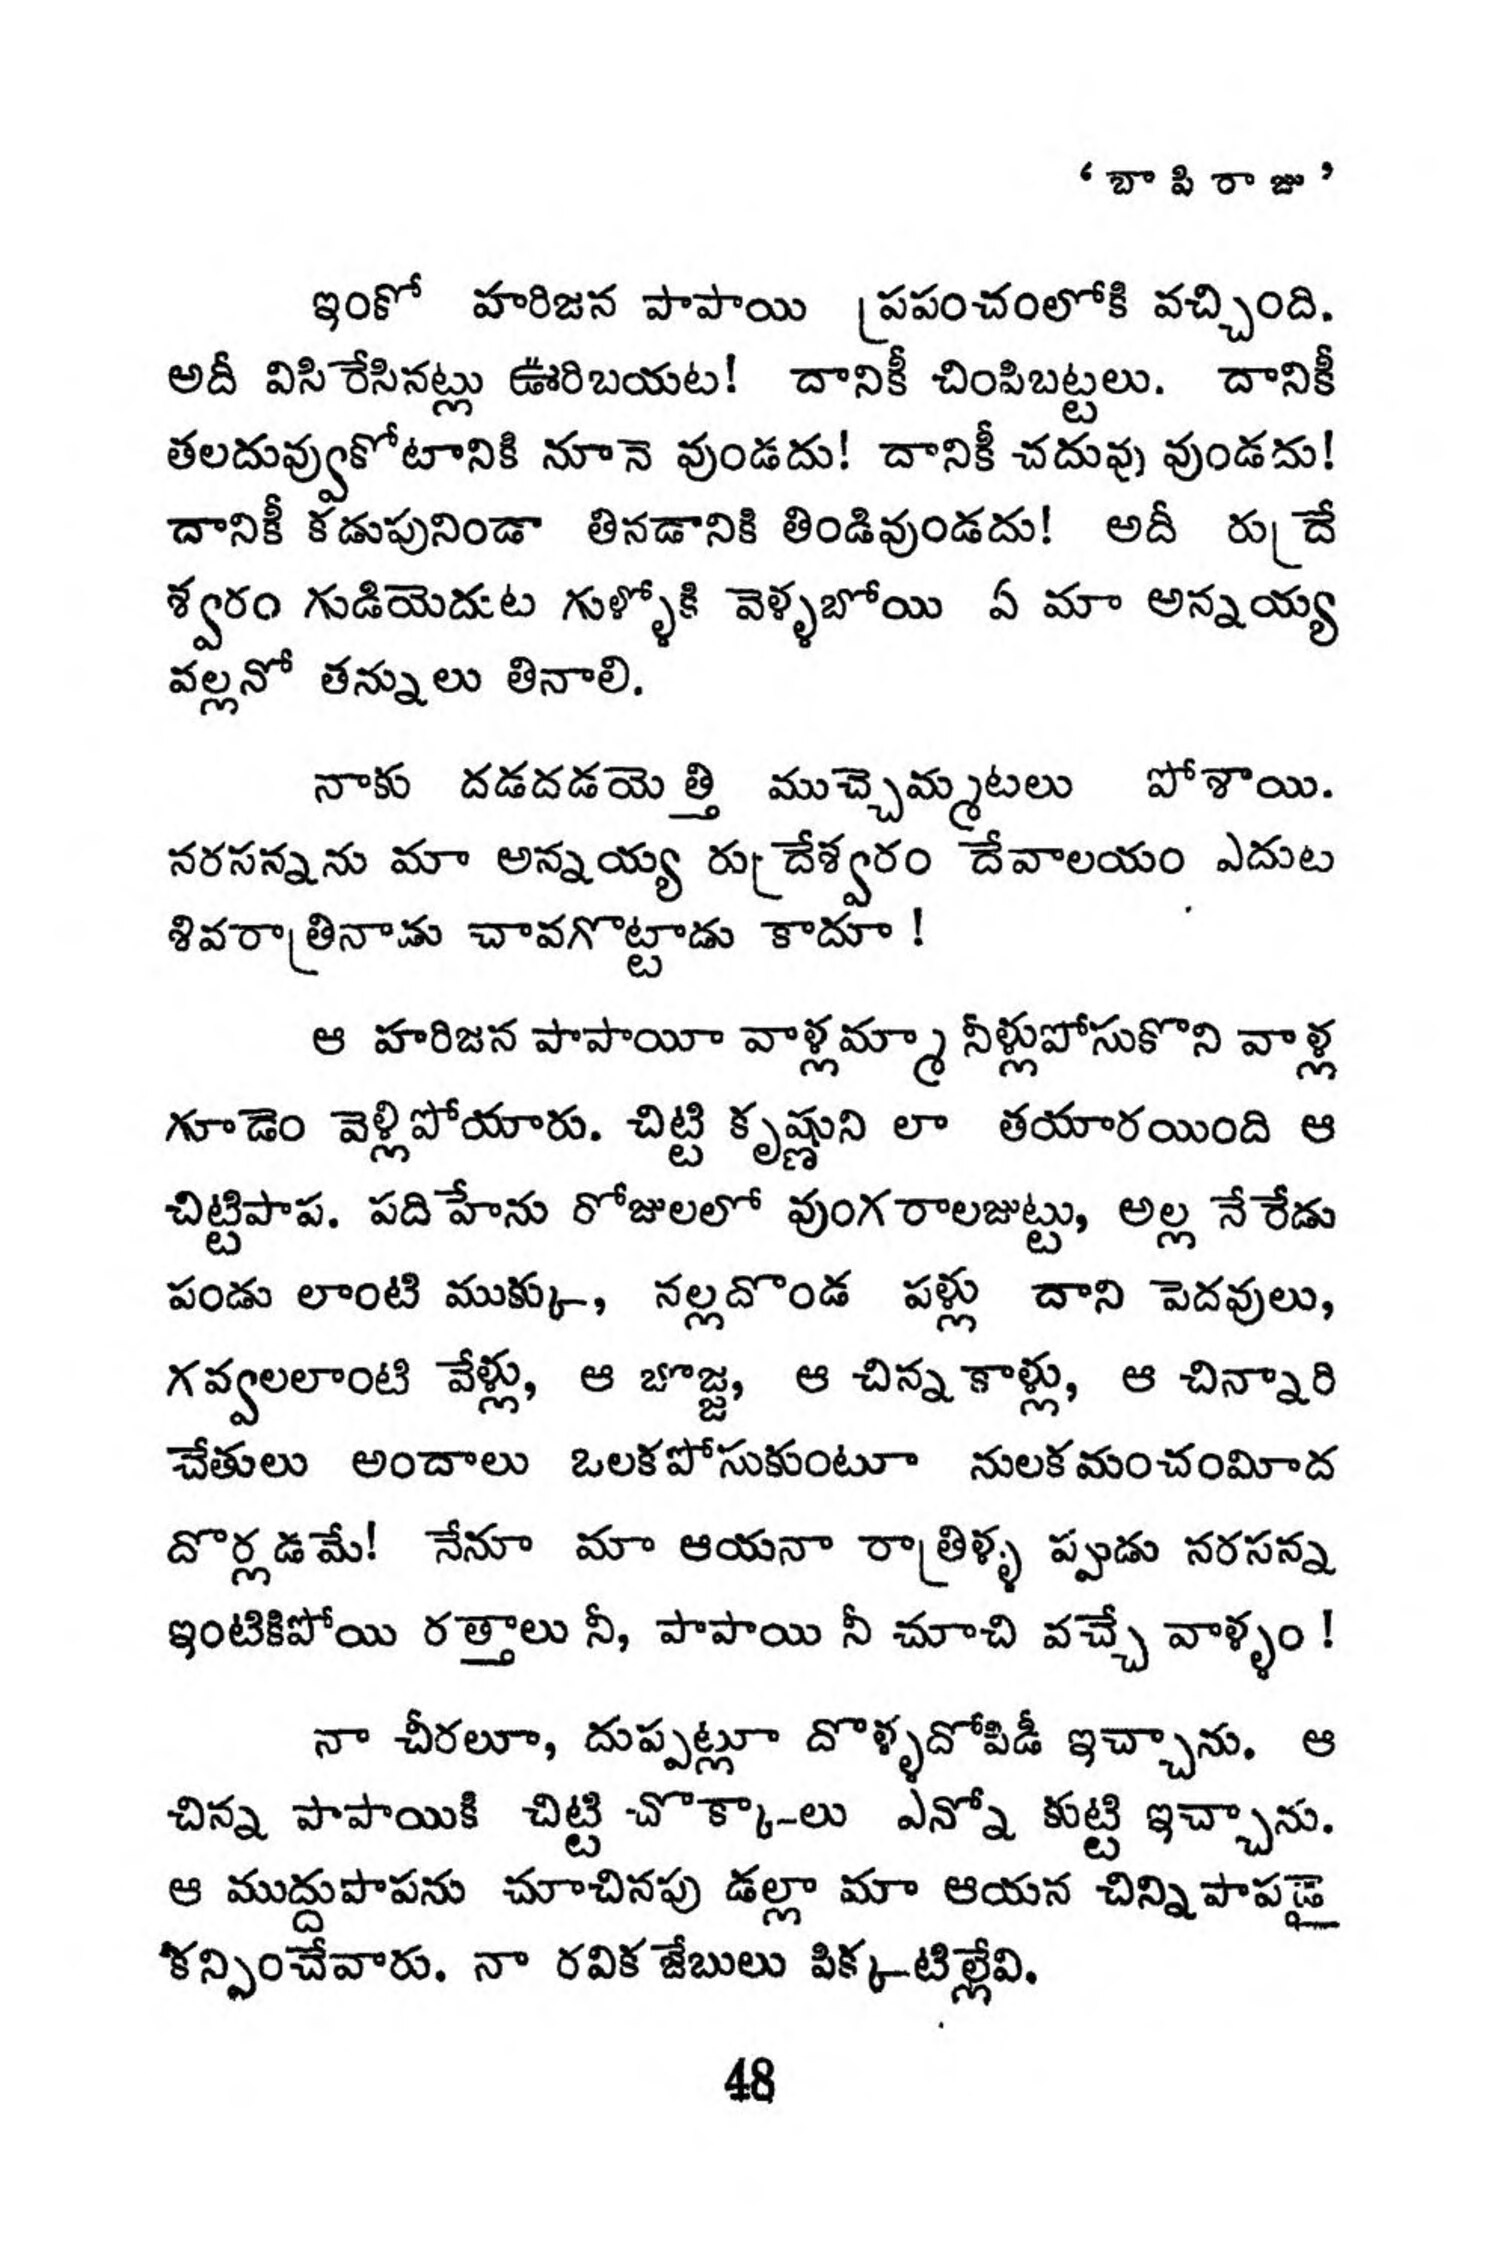ఇంకో హరిజన పాపాయి ప్రపంచంలోకి వచ్చింది. అదీ విసిరేసినట్లు ఊరిబయట! దానికీ చింపిబట్టలు. దానికీ తలదువ్వుకోటానికి నూనె వుండదు! దానికీ చదువు వుండదు! దానికీ కడుపునిండా తినడానికి తిండివుండదు! అదీ రుద్రేశ్వరం గుడియెదుట గుళ్ళోకి వెళ్ళబోయి ఏ మా అన్నయ్య వల్లనో తన్నులు తినాలి.

నాకు దడదడయెత్తి ముచ్చెమ్మటలు పోశాయి. నరసన్నను మా అన్నయ్య రుద్రేశ్వరం దేవాలయం ఎదుట శివరాత్రినాడు చావగొట్టాడు కాదూ !

ఆ హరిజన పాపాయీ వాళ్లమ్మా నీళ్లుపోసుకొని వాళ్ల గూడెం వెళ్లిపోయారు. చిట్టి కృష్ణుని లా తయారయింది ఆ చిట్టిపాప. పదిహేను రోజులలో వుంగరాలజుట్టు, అల్ల నేరేడు పండు లాంటి ముక్కు, నల్లదొండ పళ్లు దాని పెదవులు, గవ్వలలాంటి వేళ్లు, ఆ బొజ్జ, ఆ చిన్న కాళ్లు, ఆ చిన్నారి చేతులు అందాలు ఒలకపోసుకుంటూ నులకమంచంమీద దొర్లడమే! నేనూ మా ఆయనా రాత్రిళ్ళ ప్పుడు నరసన్న ఇంటికిపోయి రత్తాలు నీ, పాపాయి నీ చూచి వచ్చే వాళ్ళం!

నా చీరలూ, దుప్పట్లూ దొళ్ళదోపిడీ ఇచ్చాను. ఆ చిన్న పాపాయికి చిట్టి చొక్కాలు ఎన్నో కుట్టి ఇచ్చాను. ఆ ముద్దుపాపను చూచినపు డల్లా మా ఆయన చిన్నిపాపడై కన్పించేవారు. నా రవికజేబులు పిక్కటిల్లేవి.